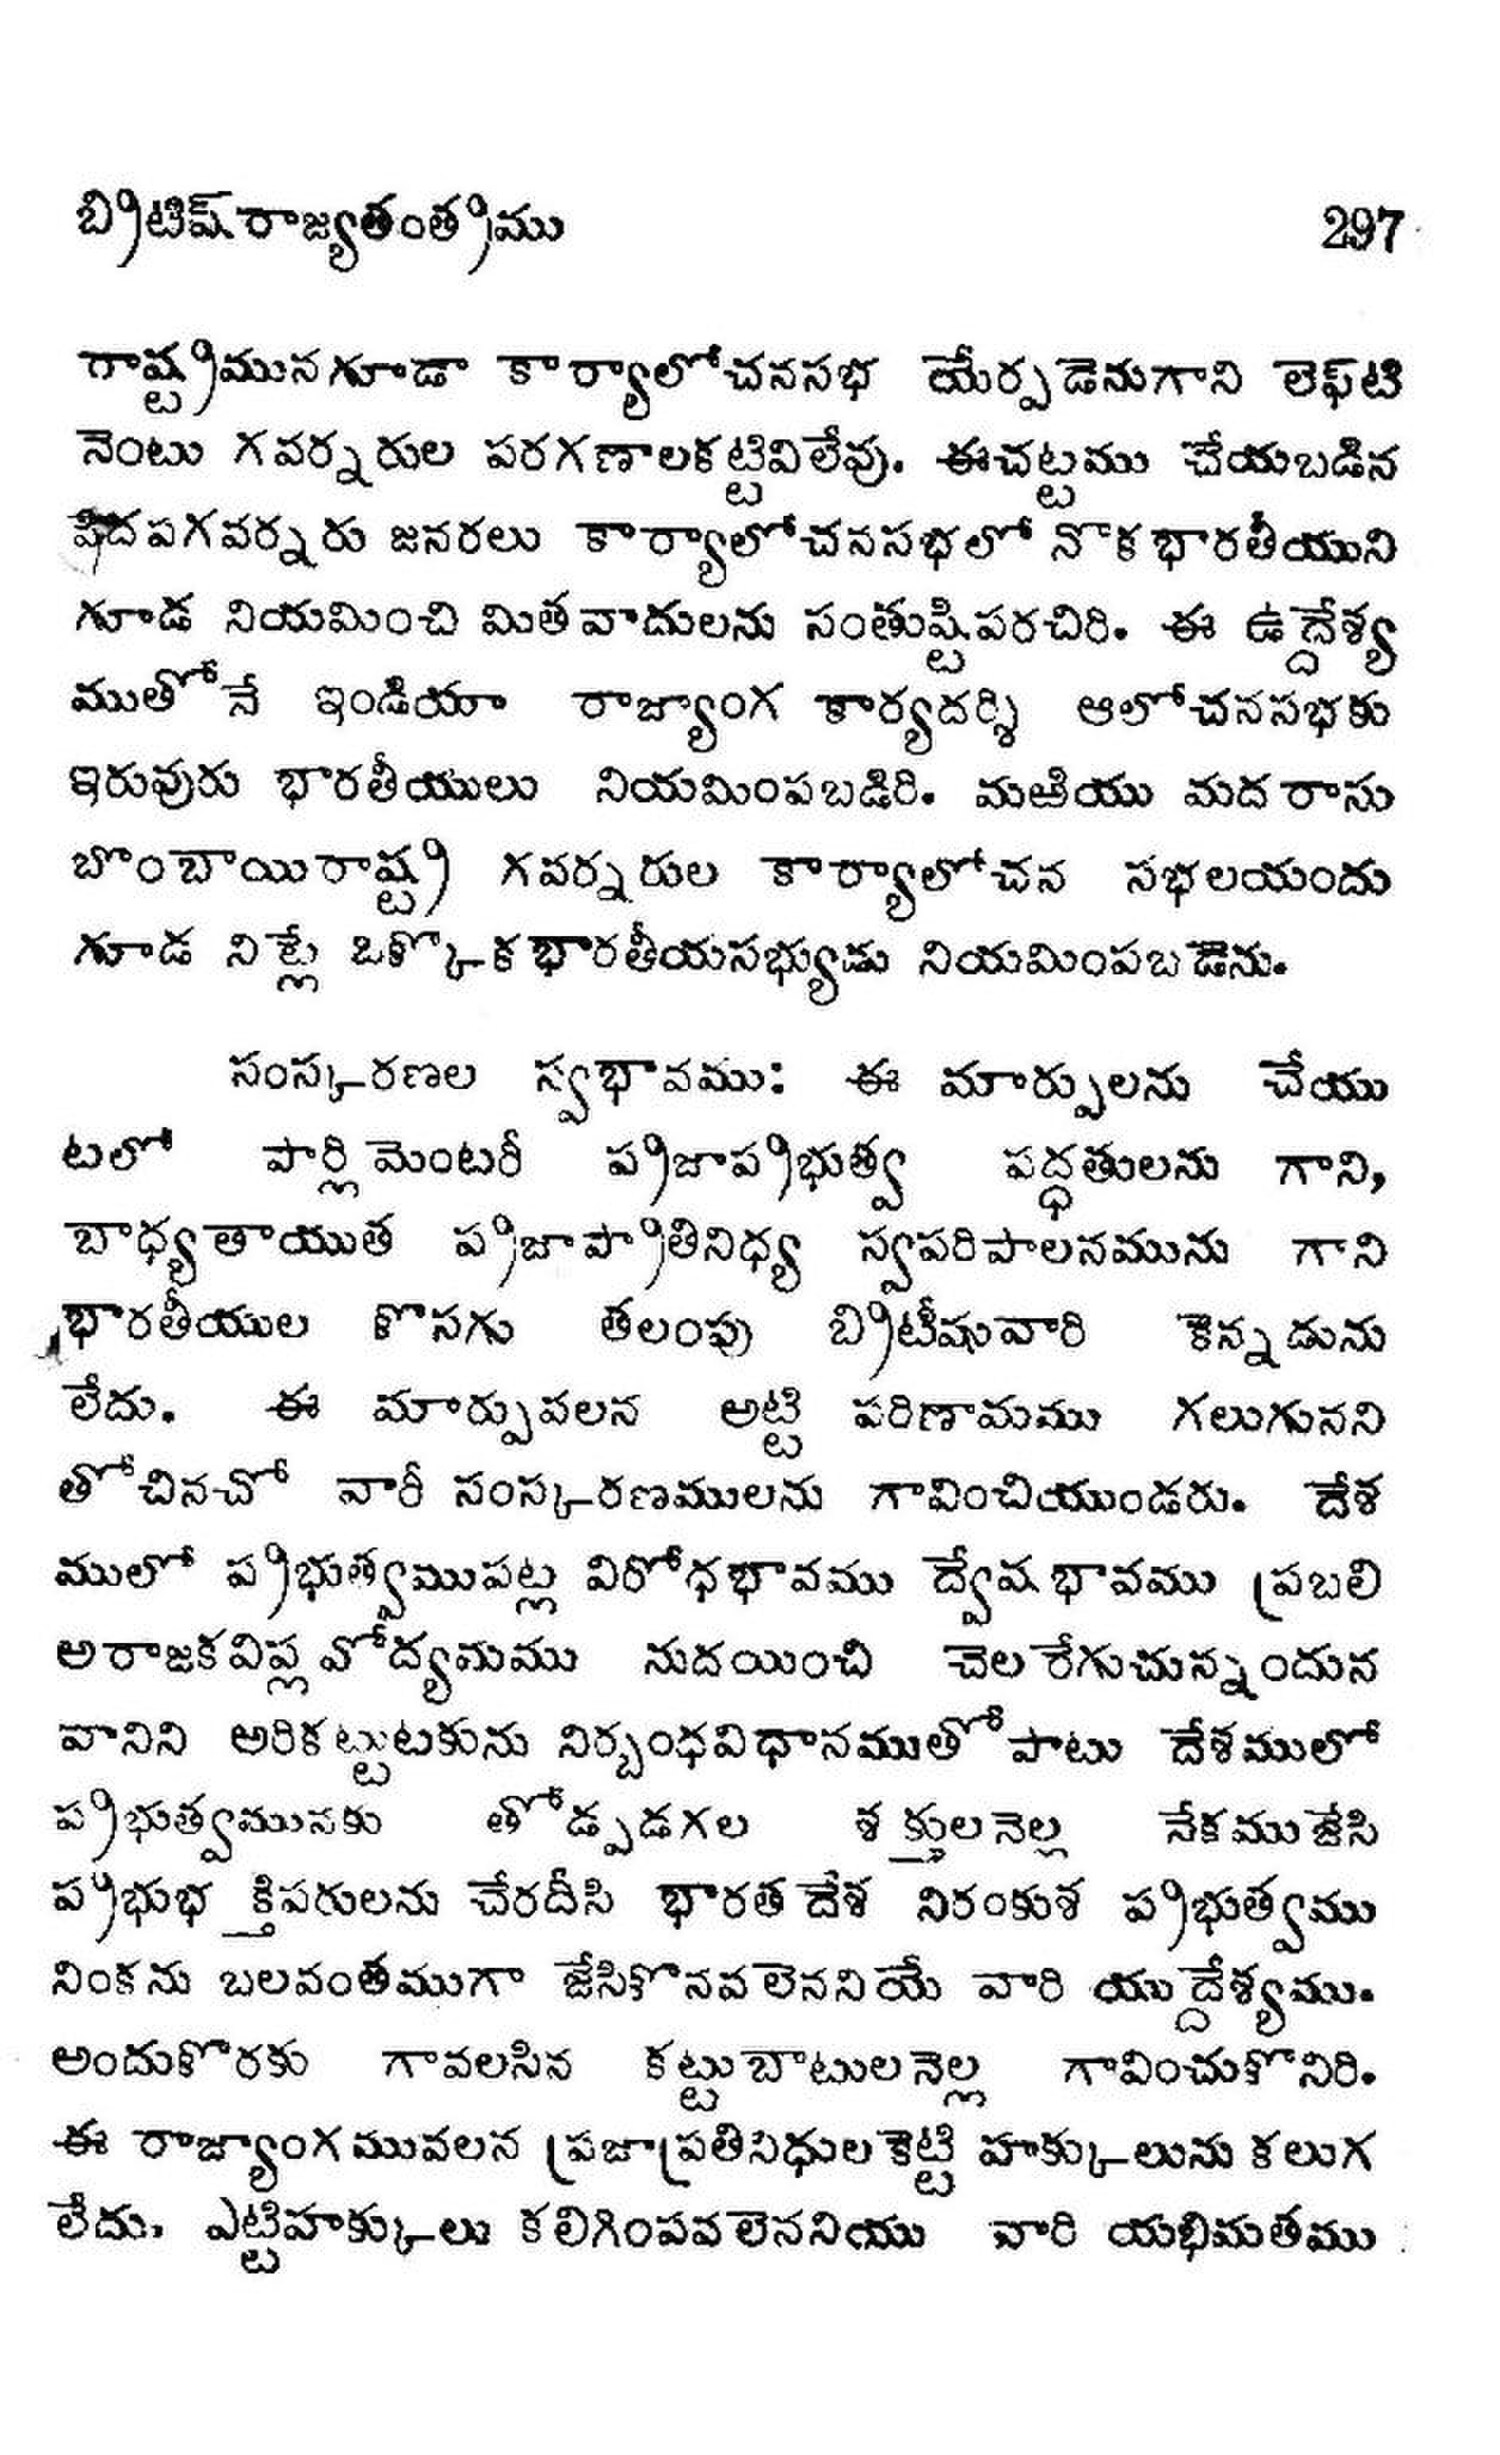రాష్ట్రమునగూడా కార్యాలోచనసభ యేర్పడెనుగాని లెఫ్‌టినెంటు గవర్నరుల పరగణాలకట్టివిలేవు. ఈచట్టము చేయబడిన పిదప గవర్నరు జనరలు కార్యాలోచనసభలో నొక భారతీయుని గూడ నియమించి మితవాదులను సంతుష్టిపరచిరి. ఈ ఉదేశ్యముతోనే ఇండియా రాజ్యాంగ కార్యదర్శి ఆలోచనసభకు ఇరువురు భారతీయులు నియమింపబడిరి. మఱియు మదరాసు బొంబాయిరాష్ట్ర గవర్నరుల కార్యాలోచన సభలయందుగూడ నిట్లే ఒక్కొకభారతీయ సభ్యుడు నియమింపబడెను.

సంస్కరణల స్వభావము: ఈ మార్పులను చేయుటలో పార్లిమెంటరీ ప్రజాప్రభుత్వ పద్ధతులను గాని, బాధ్యతాయుత ప్రజాప్రాతినిధ్య స్వపరిపాలనమును గాని భారతీయుల కొసగు తలంపు బ్రిటీషువారి కెన్నడును లేదు. ఈ మార్పువలన అట్టి పరిణామము గలుగునని తోచినచో వారీ సంస్కరణములను గావించియుండరు. దేశములో ప్రభుత్వముపట్ల విరోధభావము ద్వేషభావము ప్రబలి అరాజకవిప్లవోద్యమము నుదయించి చెలరేగుచున్నందున వానిని అరికట్టుటకును నిర్బంధవిధానముతో పాటు దేశములో ప్రభుత్వముసకు తోడ్పడగల శక్తులనెల్ల నేకముజేసి ప్రభుభక్తిపరులను చేరదీసి భారతదేశ నిరంకుశ ప్రభుత్వము నింకను బలవంతముగా జేసికొనవలెననియే వారి యుద్దేశ్యము. అందుకొరకు గావలసిన కట్టుబాటులనెల్ల గావించుకొనిరి. ఈ రాజ్యాంగమువలన ప్రజాప్రతినిధులకెట్టి హక్కులును కలుగలేదు. ఎట్టిహక్కులు కలిగింపవలెననియు వారి యభిమతము